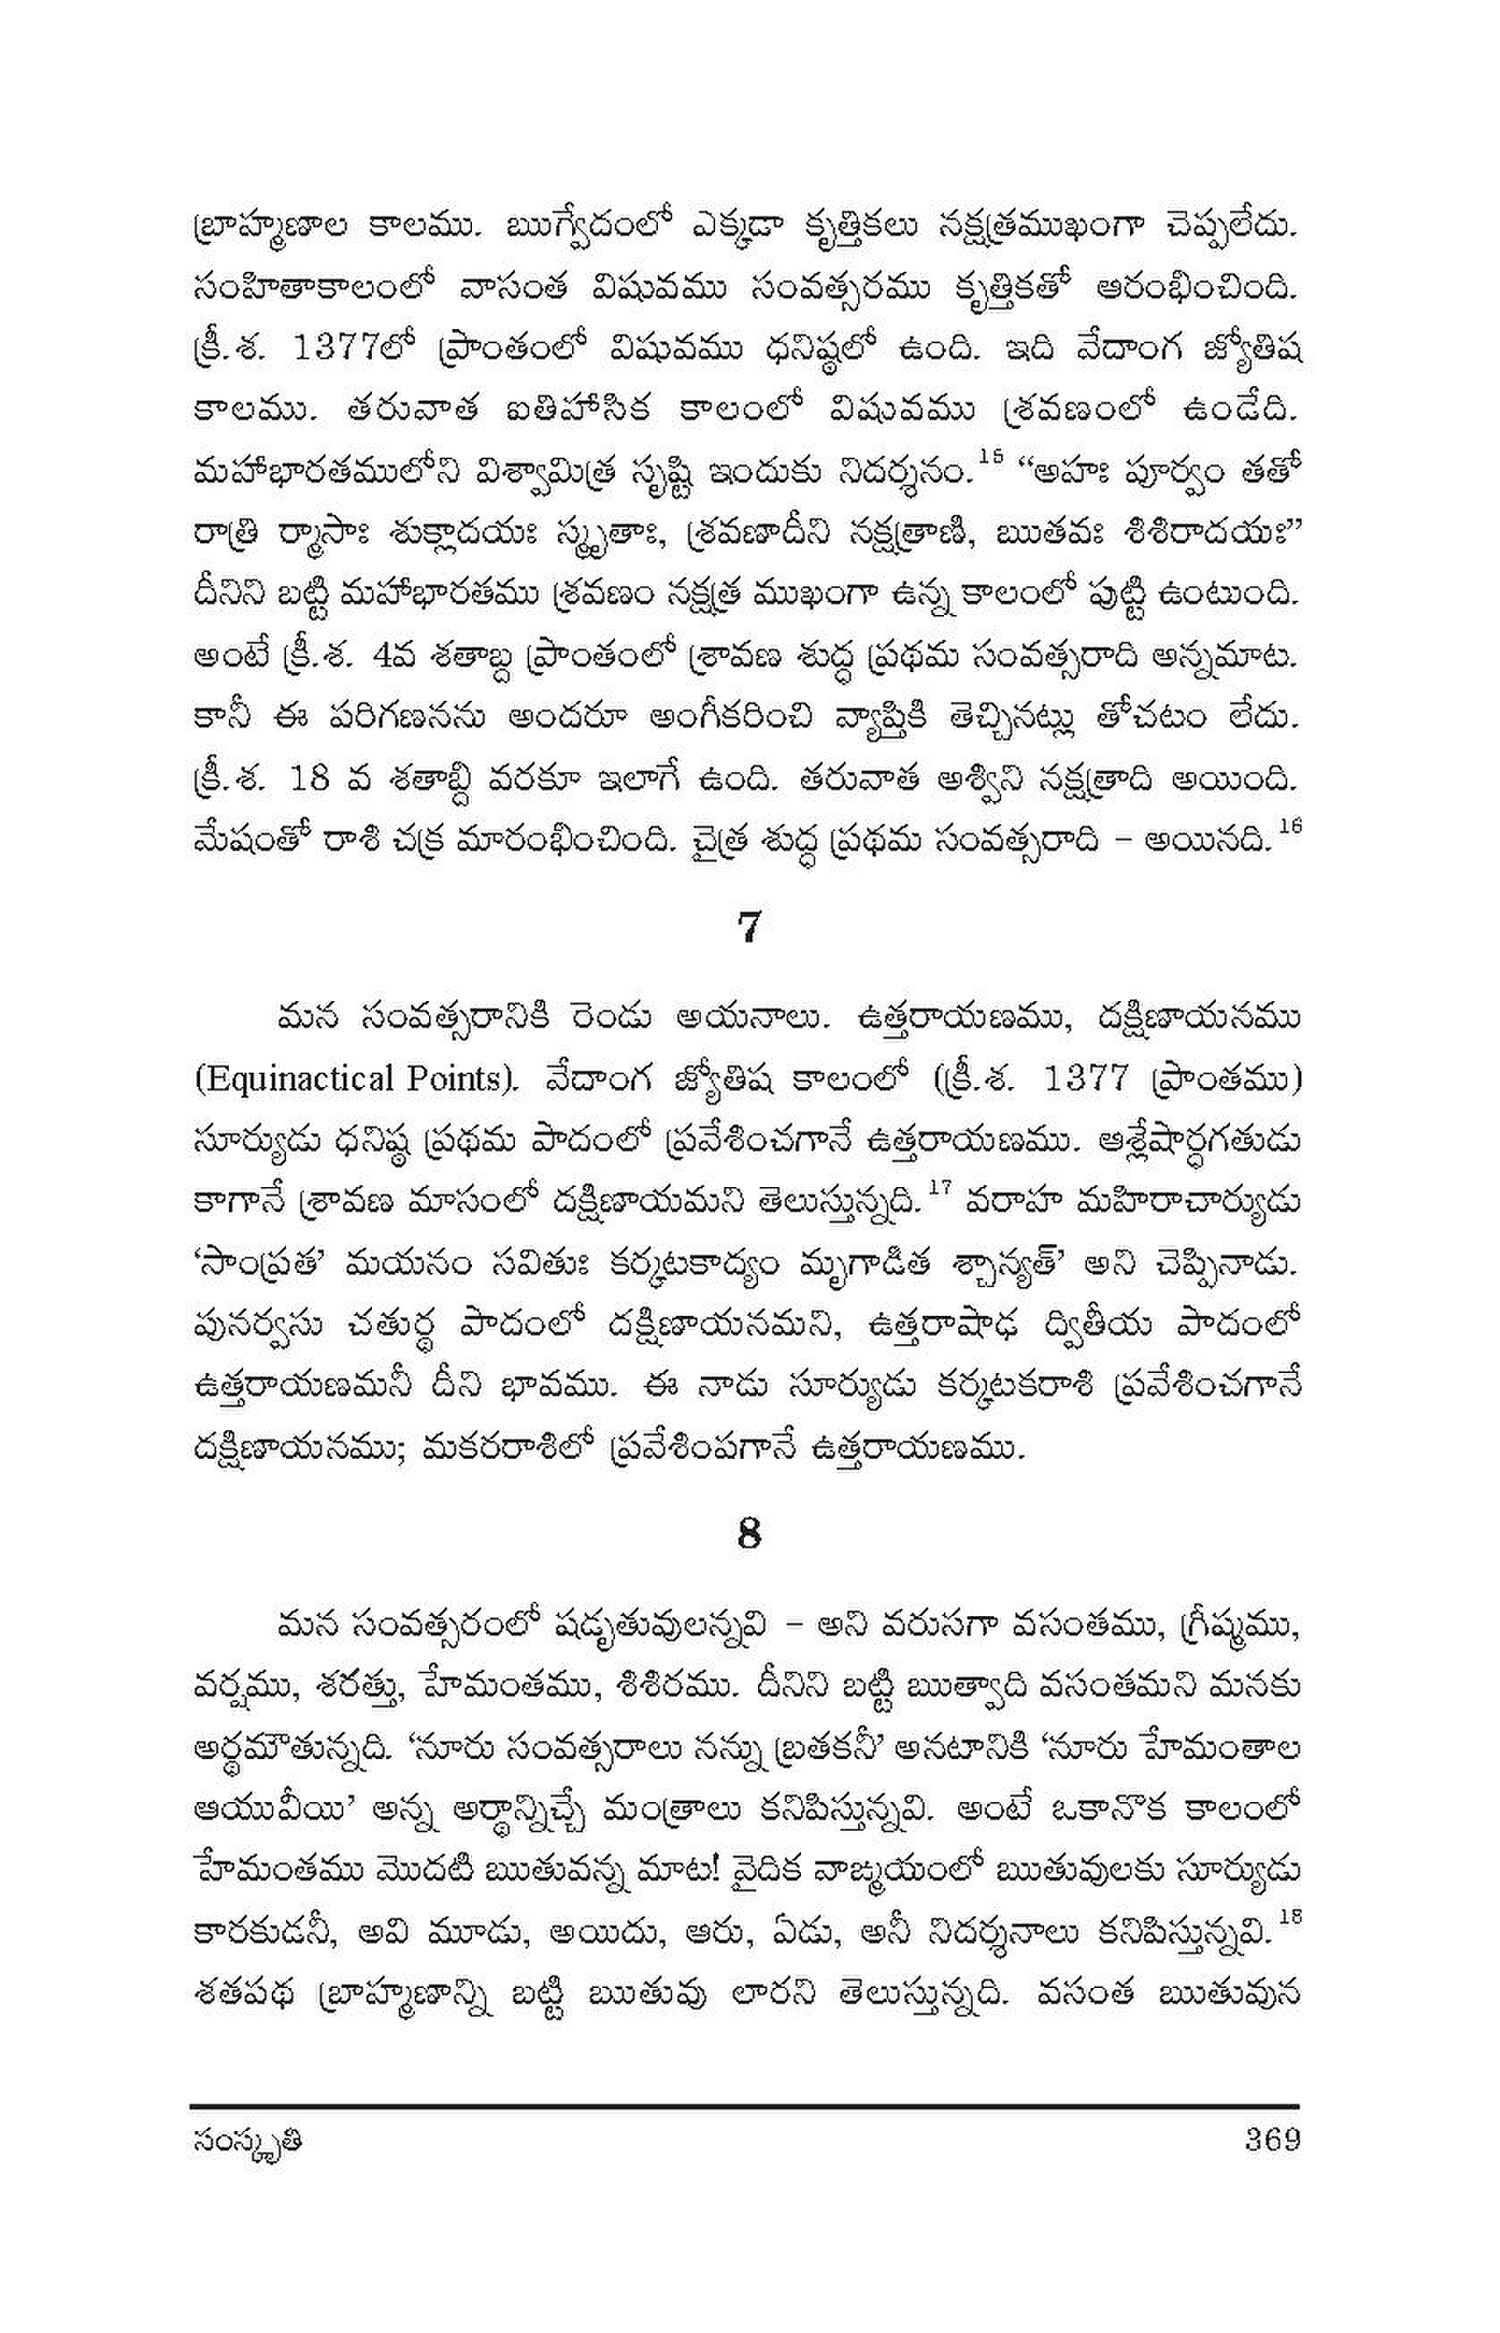బ్రాహ్మణాల కాలము. ఋగ్వేదంలో ఎక్కడా కృత్తికలు నక్షత్రముఖంగా చెప్పలేదు.
సంహితాకాలంలో వాసంత విషువము సంవత్సరము కృత్తికతో ఆరంభించింది.
క్రీ.శ. 1377లో ప్రాంతంలో విషువము ధనిష్ఠలో ఉంది. ఇది వేదాంగ జ్యోతిష
కాలము. తరువాత ఐతిహాసిక కాలంలో విషువము శ్రవణంలో ఉండేది.
మహాభారతములోని విశ్వామిత్ర సృష్టి ఇందుకు నిదర్శనం."అహః పూర్వం తతో
రాత్రి ర్మాసాః శుక్లాదయః స్మృతాః, శ్రవణాదీని నక్షత్రాణి, ఋతవః శిశిరాదయః”
దీనిని బట్టి మహాభారతము శ్రవణం నక్షత్ర ముఖంగా ఉన్న కాలంలో పుట్టి ఉంటుంది.
అంటే క్రీ.శ. 4వ శతాబ్ద ప్రాంతంలో శ్రావణ శుద్ధ ప్రథమ సంవత్సరాది అన్నమాట.
కానీ ఈ పరిగణనను అందరూ అంగీకరించి వ్యాప్తికి తెచ్చినట్లు తోచటం లేదు.
క్రీ.శ. 18 వ శతాబ్ది వరకూ ఇలాగే ఉంది. తరువాత అశ్విని నక్షత్రాది అయింది.
మేషంతో రాశి చక్ర మారంభించింది. చైత్ర శుద్ధ ప్రథమ సంవత్సరాది - అయినది.

మన సంవత్సరానికి రెండు అయనాలు. ఉత్తరాయణము, దక్షిణాయనము
(Equinactical Points). వేదాంగ జ్యోతిష కాలంలో (క్రీ.శ. 1377 ప్రాంతము)
సూర్యుడు ధనిష్ఠ ప్రథమ పాదంలో ప్రవేశించగానే ఉత్తరాయణము. ఆశ్లేషార్ధగతుడు
కాగానే శ్రావణ మాసంలో దక్షిణాయమని తెలుస్తున్నది. " వరాహ మహిరాచార్యుడు
'సాంప్రత' మయనం సవితుః కర్కటకాద్యం మృగాడిత శ్చాన్యత్' అని చెప్పినాడు.
పునర్వసు చతుర్ధ పాదంలో దక్షిణాయనమని, ఉత్తరాషాఢ ద్వితీయ పాదంలో
ఉత్తరాయణమనీ దీని భావము. ఈ నాడు సూర్యుడు కర్కటకరాశి ప్రవేశించగానే
దక్షిణాయనము; మకరరాశిలో ప్రవేశింపగానే ఉత్తరాయణము.

మన సంవత్సరంలో షడృతువులన్నవి - అని వరుసగా వసంతము, గ్రీష్మము,
వర్షము, శరత్తు, హేమంతము, శిశిరము. దీనిని బట్టి ఋత్వాది వసంతమని మనకు
అర్థమౌతున్నది. 'నూరు సంవత్సరాలు నన్ను బ్రతకనీ' అనటానికి 'నూరు హేమంతాల
ఆయువీయి' అన్న అర్థాన్నిచ్చే మంత్రాలు కనిపిస్తున్నవి. అంటే ఒకానొక కాలంలో
హేమంతము మొదటి ఋతువన్న మాట! వైదిక వాఙ్మయంలో ఋతువులకు సూర్యుడు
కారకుడనీ, అవి మూడు, అయిదు, ఆరు, ఏడు, అనీ నిదర్శనాలు కనిపిస్తున్నవి.శతపథ బ్రాహ్మణాన్ని బట్టి ఋతువు లారని తెలుస్తున్నది. వసంత ఋతువున